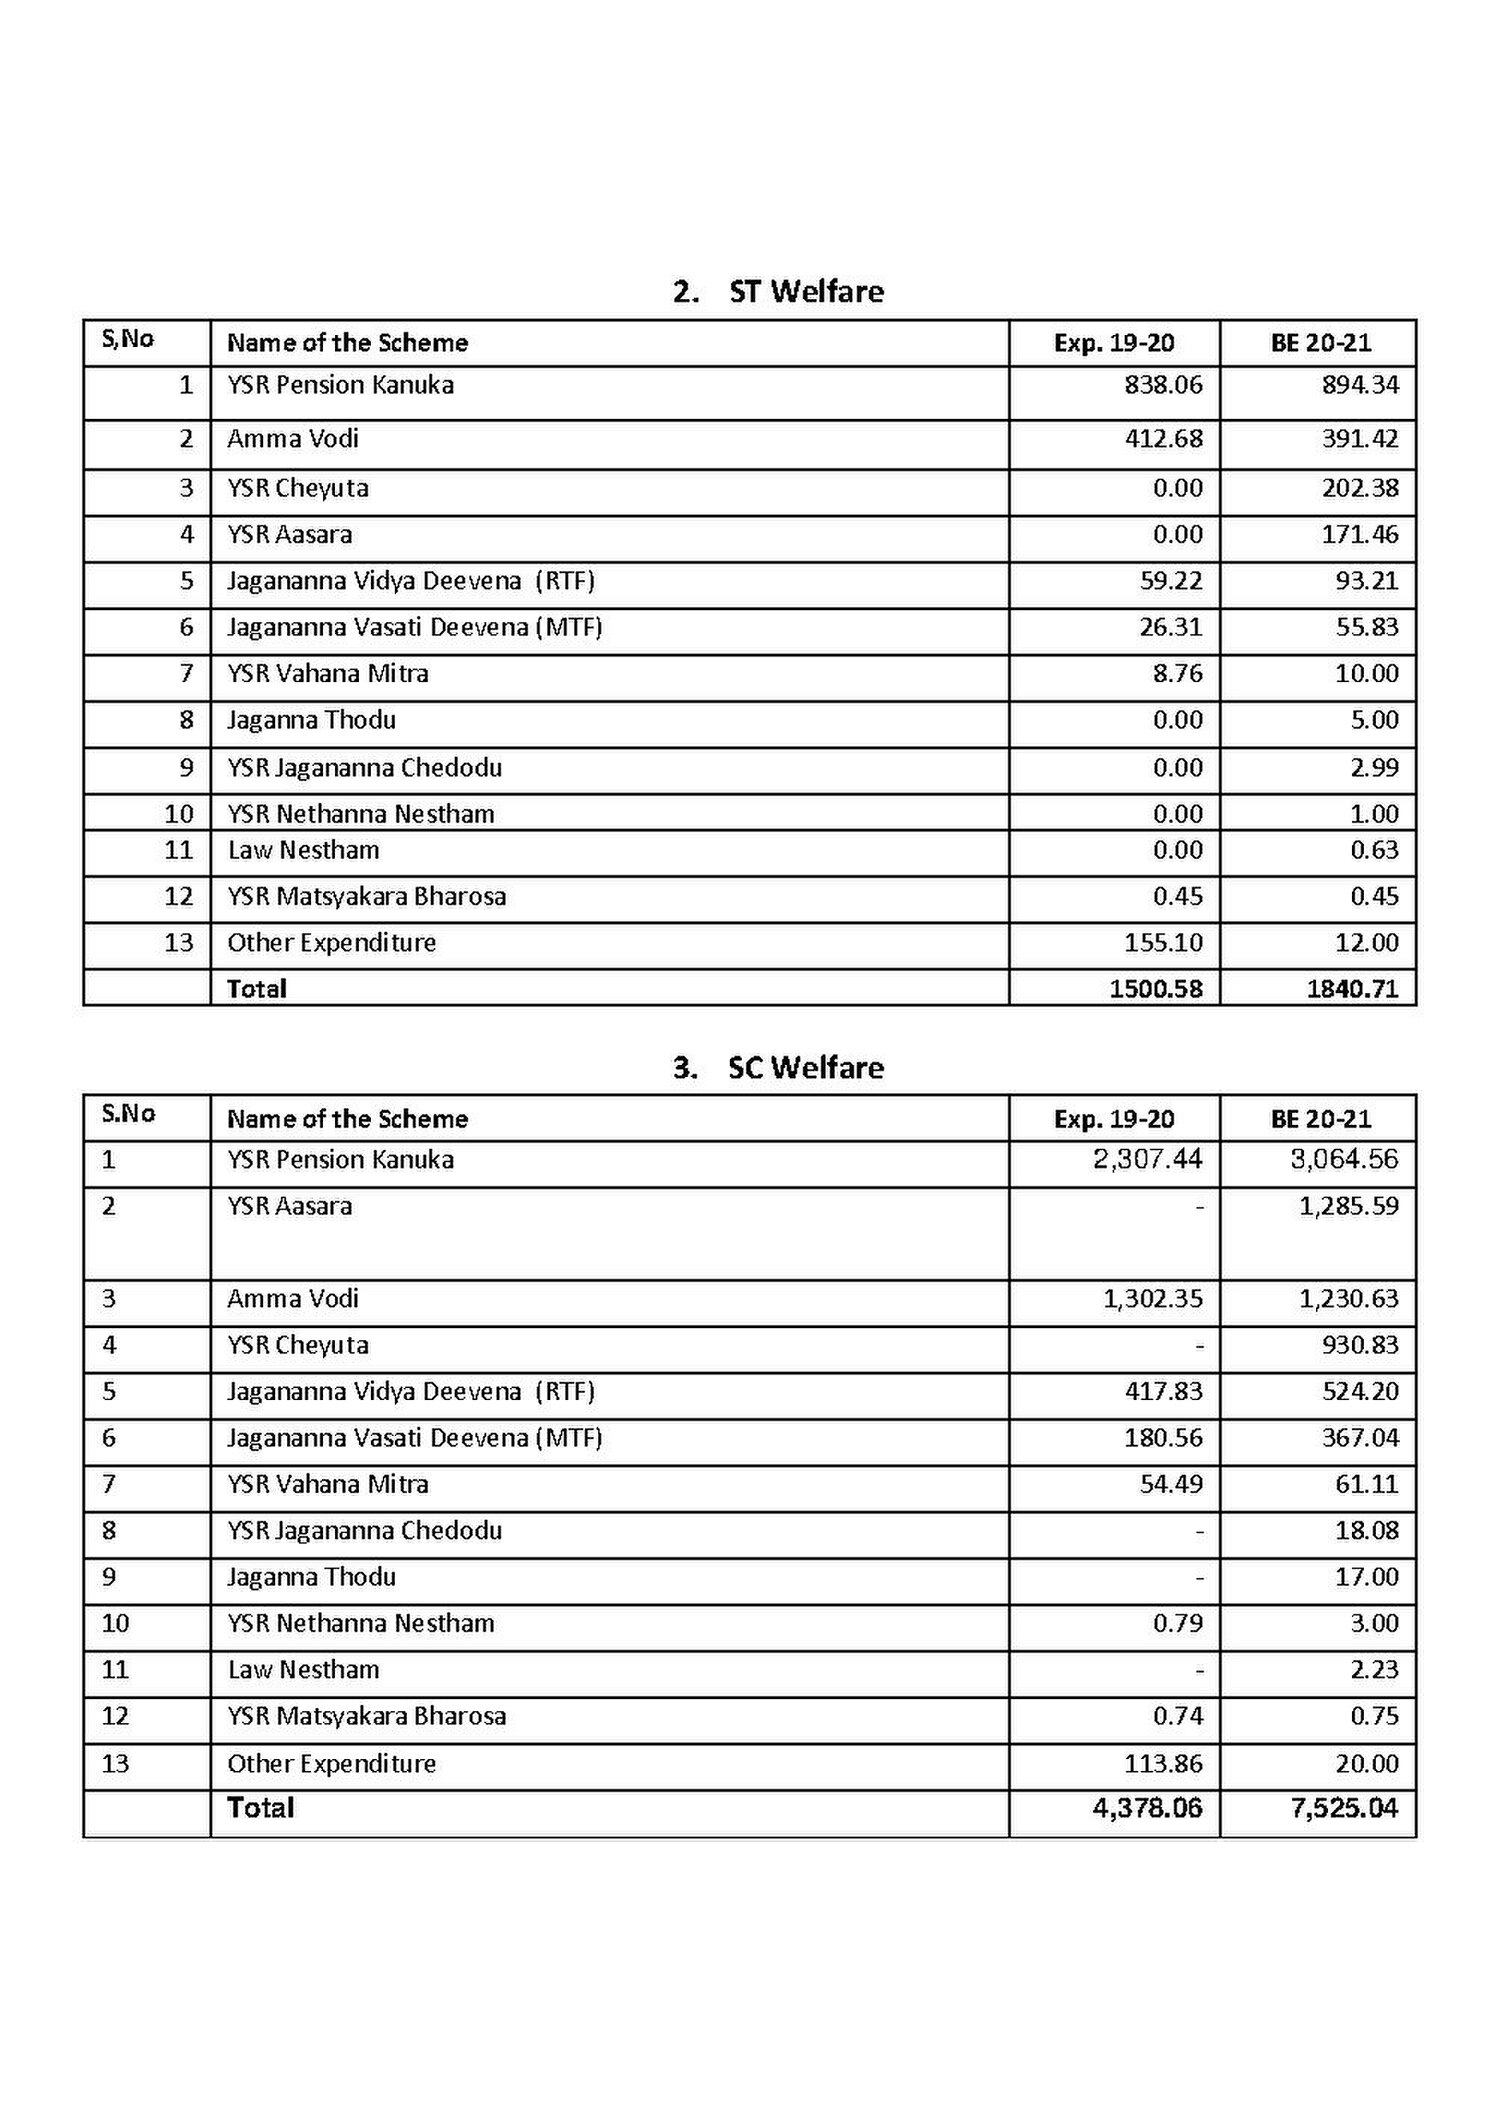2. ST Welfare

 S,No Name of the Scheme Exp. 19-20 BE 20-21 1 YSR Pension Kanuka 838.06 894.34 2 Amma Vodi 412.68 391.42 3 YSR Cheyuta 0 202.38 4 YSR Aasara 0 171.46 5 Jagananna Vidya Deevena (RTF) 59.22 93.21 6 Jagananna Vasati Deevena (MTF) 26.31 55.83 7 YSR Vahana Mitra 8.76 10 8 Jaganna Thodu 0 5 9 YSR Jagananna Chedodu 0 2.99 10 YSR Nethanna Nestham 0 1 11 Law Nestham 0 0.63 12 YSR Matsyakara Bharosa 0.45 0.45 13 Other Expenditure 155.1 12 Total 1500.58 1840.71

3. SC Welfare

 S.No Name of the Scheme Exp. 19-20 BE 20-21 1 YSR Pension Kanuka 2307.44 3064.56 2 YSR Aasara - 1285.59 3 Amma Vodi 1302.35 1230.63 4 YSR Cheyuta - 930.83 5 Jagananna Vidya Deevena (RTF) 417.83 524.2 6 Jagananna Vasati Deevena (MTF) 180.56 367.04 7 YSR Vahana Mitra 54.49 61.11 8 YSR Jagananna Chedodu - 18.08 9 Jaganna Thodu - 17 10 YSR Nethanna Nestham 0.79 3 11 Law Nestham - 2.23 12 YSR Matsyakara Bharosa 0.74 0.75 13 Other Expenditure 113.86 20 Total 4378.06 7525.04